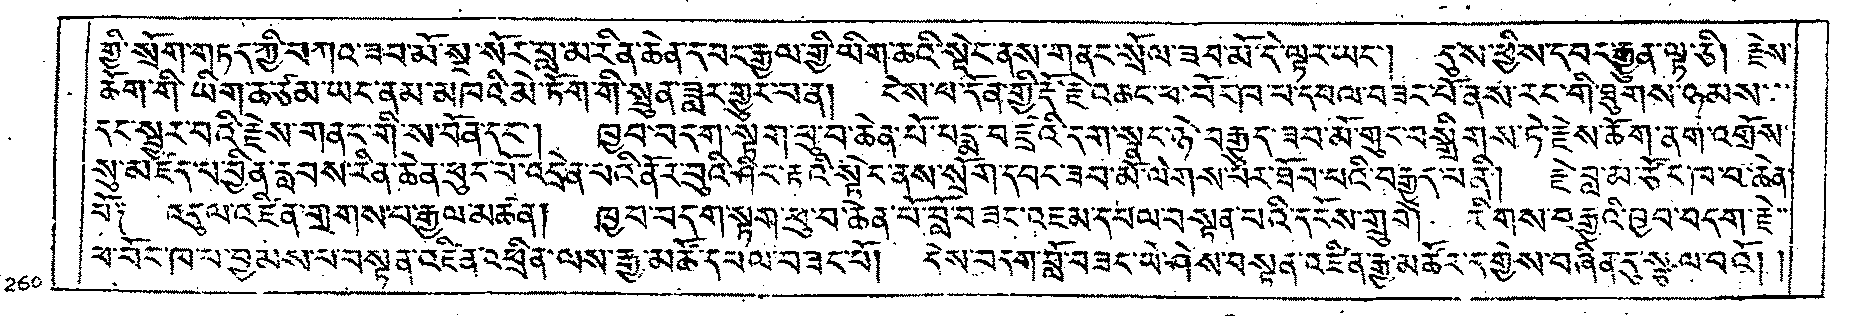གྱི་སྲོག་གཏད་ཀྱི་བཀའ་ཟབ་མོ་སྔ་སོར་བླ་མ་རིན་ཆེན་དབང་རྒྱལ་གྱི་ཡིག་ཆའི་སྟེང་ནས་གནང་སྲོལ་ཟབ་མོ་དེ་ལྟར་ཡང་། དུས་ཕྱིས་དབང་རྒྱུན་ལྟ་ཅི། རྗེས་
ཆོག་གི་ཡིག་ཆ་ཙམ་ཡང་ནམ་མཁའི་མེ་ཏོག་གི་སྤུན་ཟླར་གྱུར་པ་ན། ངེས་པ་དོན་གྱི་རྡོ་རྗེ་འཆང་ཕ་བོང་ཁ་པ་དཔལ་བཟང་པོ་ནས་རང་གི་ཐུགས་ཉམས་
དང་སྦྱར་བའི་རྗེས་གནང་གི་ས་བོན་དང་། ཁྱབ་བདག་སྟག་ཕུ་བ་ཆེན་པོ་པདམ་བཛྲའི་དག་སྣང་ཉེ་བརྒྱུད་ཟབ་མོ་གུང་བསྒྲིགས་ཏེ་རྗེས་ཆོག་ནག་འགྲོས་
སུ་མཛད་པ་བྱིན་རླབས་རིན་ཆེན་ཕུང་པོ་འདྲེན་པའི་ནོར་བུའི་ཤིང་རྟའི་སྟེང་ནས་སྲོག་དབང་ཟབ་མོ་ལེགས་པར་ཐོབ་པའི་བརྒྱུད་པ་ནི། རྗེ་བླ་མ་ཙོང་ཁ་པ་ཆེན་
པོ༑ འདུལ་འཛིན་གྲགས་པ་རྒྱལ་མཚན། ཁྱབ་བདག་སྟག་ཕུ་བ་ཆེན་པོ་བློ་བཟང་འཇམ་དཔལ་བསྟན་པའི་དངོས་གྲུབ། རིགས་བརྒྱའི་ཁྱབ་བདག་རྗེ་
ཕ་བོང་ཁ་པ་བྱམས་པ་བསྟན་འཛིན་འཕྲིན་ལས་རྒྱ་མཚོ་དཔལ་བཟང་པོ། དེས་བདག་བློ་བཟང་ཡེ་ཤེས་བསྟན་འཛིན་རྒྱ་མཚོར་དགྱེས་བཞིན་དུ་སྩལ་བའོ། །